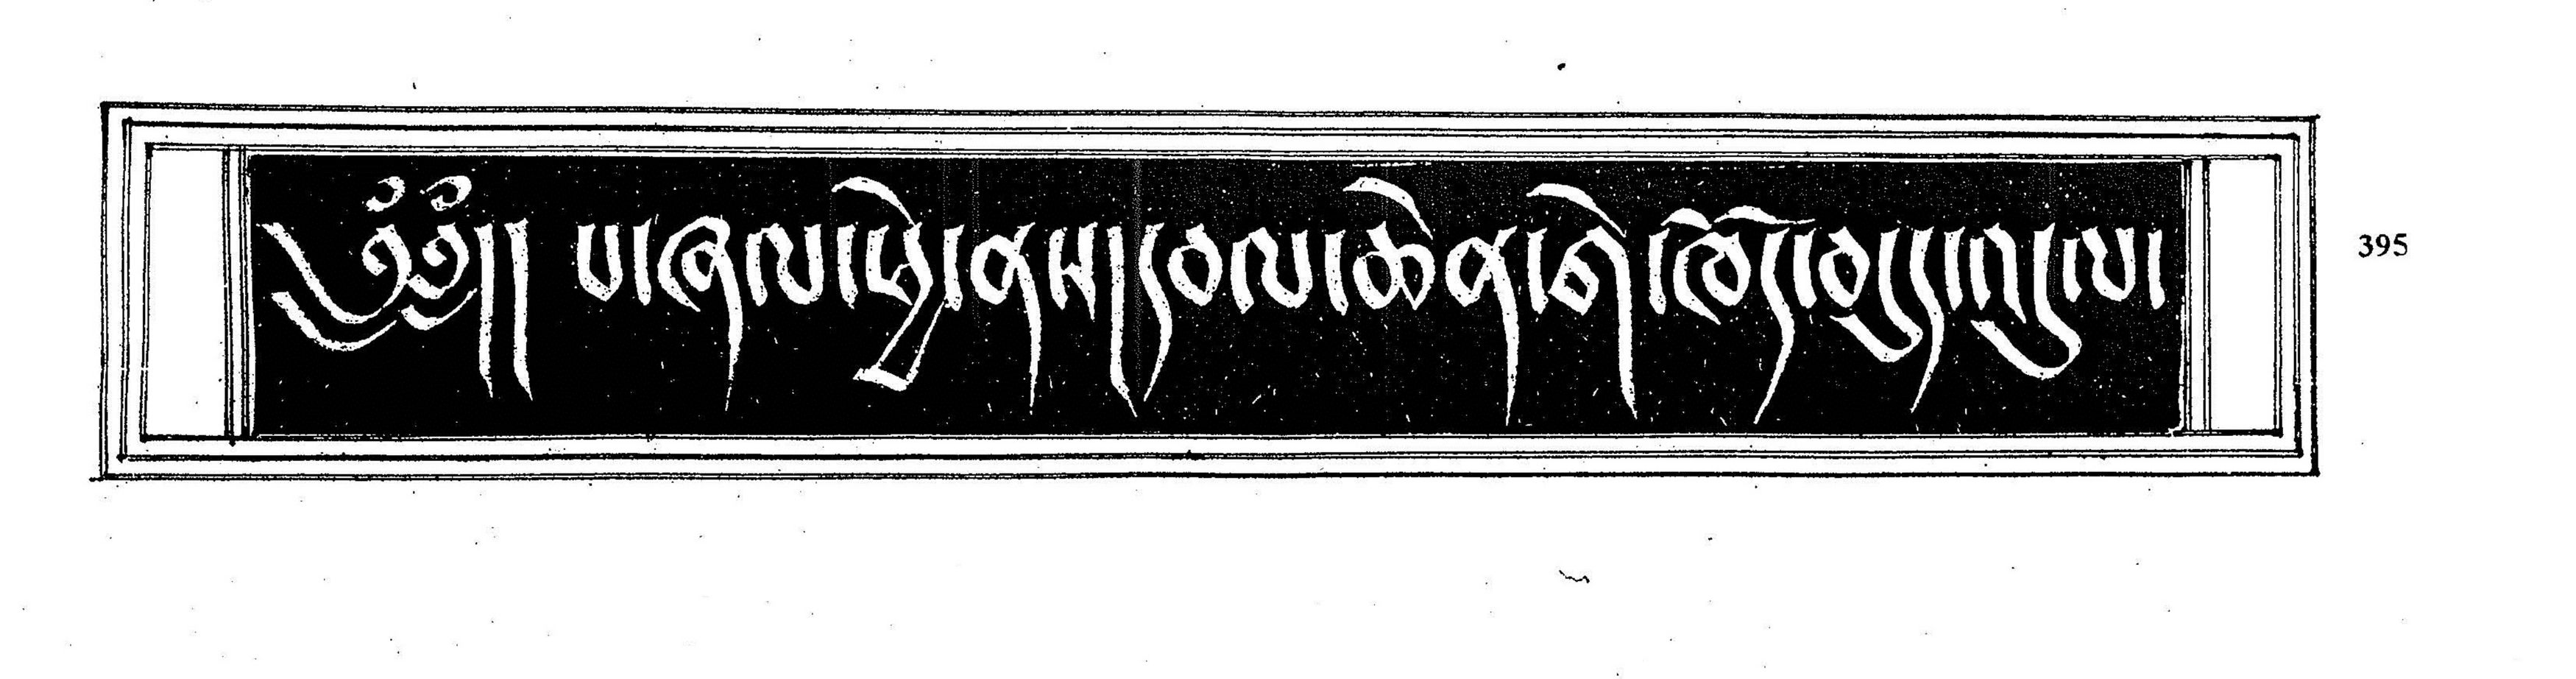པ་ཞལ་ཕྱེ་ནས།། དབལ་ཆེན་གེ་ཁོད་བདུད་འདུལ་